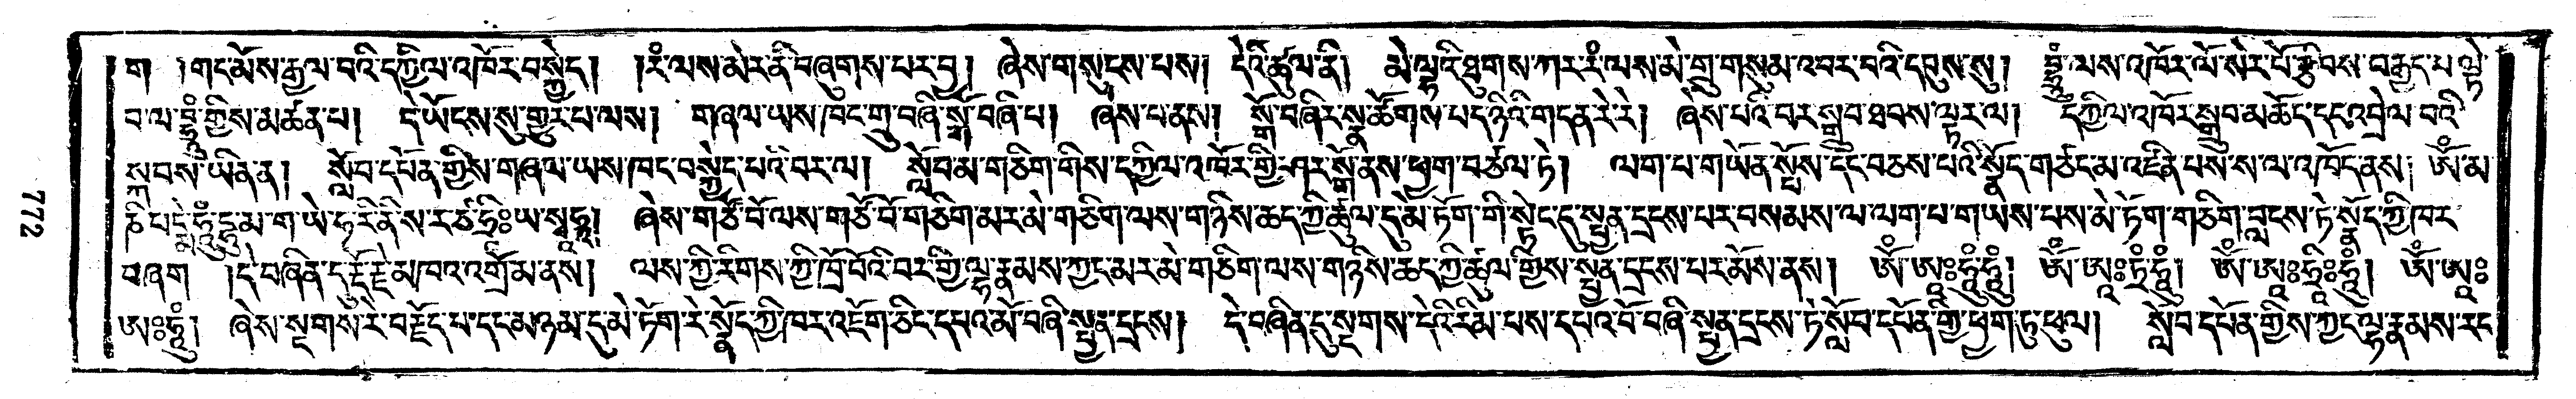ག །གང་མོས་རྒྱལ་བའི་དཀྱིལ་འཁོར་བསྐྱེད། །རཾ་ལས་མེར་ནི་བཞུགས་པར་བྱ། ཞེས་གསུངས་པས། དེའི་ཚུལ་ནི། མེ་ལྷའི་ཐུགས་ཀར་རཾ་ལས་མེ་གྲུ་གསུམ་འབར་བའི་དབུས་སུ། བྷྲཱུཾ་ལས་འཁོར་ལོ་སེར་པོ་རྩིབས་བརྒྱད་པ་ལྟེ་
བ་ལ་བྷྲཱུཾ་གྱིས་མཚན་པ། དེ་ཡོངས་སུ་གྱུར་པ་ལས། གཞལ་ཡས་ཁང་གྲུ་བཞི་སྒོ་བཞི་པ། ཞེས་པ་ནས། སྒོ་བཞིར་སྣ་ཚོགས་པད་ཉིའི་གདན་རེ་རེ། ཞེས་པའི་བར་སྒྲུབ་ཐབས་ལྟར་ལ། དཀྱིལ་འཁོར་སྒྲུབ་མཆོད་དང་འབྲེལ་བའི་
སྐབས་ཡིན་ན། སློབ་དཔོན་གྱིས་གཞལ་ཡས་ཁང་བསྐྱེད་པའི་བར་ལ། སློབ་མ་གཅིག་གིས་དཀྱིལ་འཁོར་གྱི་ཤར་སྒོ་ནས་ཕྱག་བཙལ་ཏེ། ལག་པ་གཡོན་སྤོས་དང་བཅས་པའི་སྣོད་གཙང་མ་འཛིན་པས་ས་ལ་འཁོད་ནས། ཨོཾ་མ་
ཎི་པདམེ་ཧཱུཾ་དྷུ་མ་ག་ཡེ་ཧ་རི་ནི་ས་ར་ཙ་ཧྲཱིཿ ཡ་སྭཱཧཱ། ཞེས་གཙོ་བོ་ལས་གཙོ་བོ་གཅིག་མར་མེ་གཅིག་ལས་གཉིས་ཆད་ཀྱི་ཚུལ་དུ་མེ་ཏོག་གི་སྟེང་དུ་སྤྱན་དྲངས་པར་བསམས་ལ་ལག་པ་གཡས་པས་མེ་ཏོག་གཅིག་བླངས་ཏེ་སྣོད་ཀྱི་ཁར་
བཞག །དེ་བཞིན་དུ་རྡོ་རྗེ་མཁའ་འགྲོ་མ་ནས། ལས་ཀྱི་རིགས་ཀྱི་ཁྲོ་བོའི་བར་གྱི་ལྷ་རྣམས་ཀྱང་མར་མེ་གཅིག་ལས་གཉིས་ཆད་ཀྱི་ཚུལ་གྱིས་སྤྱན་དྲངས་པར་མོས་ནས། ཨོཾ་ཨཱཿཧཱུཾ་ཧཱུཾ། ཨོཾ་ཨཱཿཏྲཾ་ཧཱུཾ། ཨོཾ་ཨཱཿཧྲཱིཿཧཱུཾ། ཨོཾ་ཨཱཿ
ཨཿཧཱུཾ། ཞེས་སྔགས་རེ་བརྗོད་པ་དང་མཉམ་དུ་མེ་ཏོག་རེ་སྣོད་ཀྱི་ཁར་འཇོག་ཅིང་དཔའ་མོ་བཞི་སྤྱན་དྲངས། དེ་བཞིན་དུ་སྔགས་དེའི་རིམ་པས་དཔའ་བོ་བཞི་སྤྱན་དྲངས་ཏེ་སློབ་དཔོན་གྱི་ཕྱག་ཏུ་ཕུལ། སློབ་དཔོན་གྱིས་ཀྱང་ལྷ་རྣམས་རང་